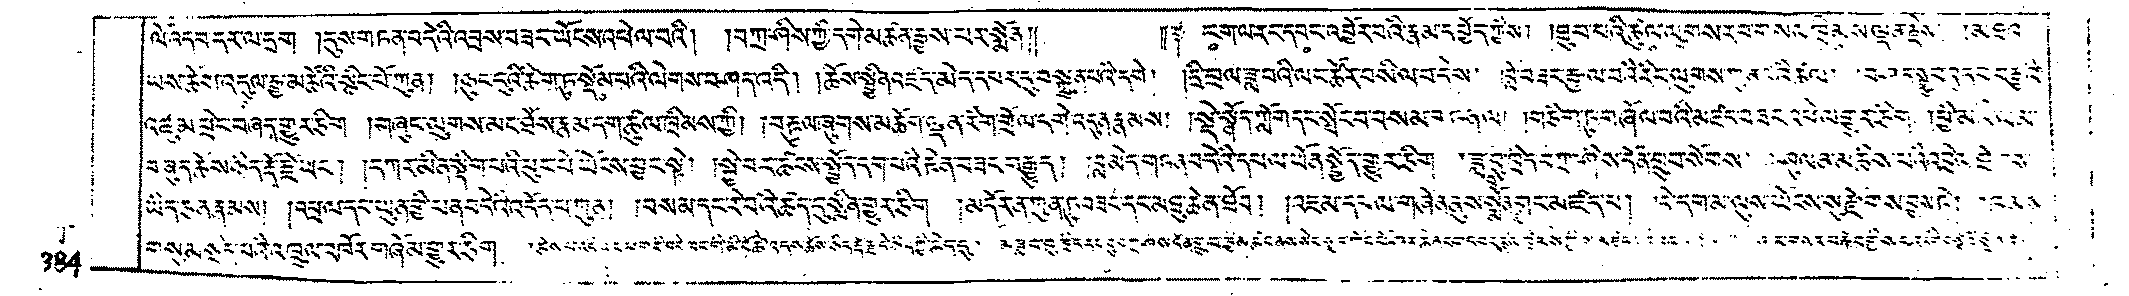ལོ་འདབ་དར་ལ་དྲག །དུས་གཏན་བདེའི་འབྲས་བཟང་ཡོངས་འཕེལ་བའི། །བཀྲ་ཤིས་ཀྱི་དགེ་མཚན་རྒྱས་པར་སྨོན།། །།འྔག྾་ལ་རང་དབང྾་འབྱོར་བའི་རྣམ་དཔྱོད་ཀྱིས། །ཐུབ་པའི་ཚུལ྾་ལུགས་རབ་གསལ་ཁྲིམས྾་ལྡན་རྗེས། །མཐའ་
ཡས་ཆོས་འདུལ྾་རྒྱ་མཚོའི་སྙིང་པོ་ཀུན། །ཉུང་ངུའི་ཚིག་ཏུ་སྡོམ྾་པའི་ལེགས་བཤད་འདི། །ཆོས་སྦྱིན་འཛད་མེད་དཔར་དུ་བསྐྲུན་པའི་དགེ། །དྲི་བྲལ་ཟླ་བའི་ལང་ཚོར་བསིལ་བ་དེས། །བློ་བཟང་རྒྱལ་བའི་རིང་ལུགས་ཀུན་དའི་ཚལ། །བཤད་སྒྲུབ་འདབ་བརྒྱའི་
འཛུམ་ཕྲེང་བཞད་གྱུར་ཅིག །གཞུང་ལུགས་མང་ཐོས་རྣམ་དག་ཚུལ་ཁྲིམས་ཀྱི། །བརྟུལ་ཞུགས་མཆོག་ལྡན་རིག་གྲོལ་དགེ་འདུན་རྣམས། །སྡེ་སྣོད་ཀློག་དང་སྤོང་བ་བསམ་གཏན་ལ། །གཅིག་ཏུ་གཞོལ་བའི་མཛད་བཟང་འཕེལ་གྱུར་ཅིག །ཕྱི་མའི་ལམ་
བཞུད་ཆོས་ཉིད་རྡོ་རྗེ་ཡང་། །དཀར་མིན་སྡིག་པའི་ཕུང་པོ་ཡོངས་བྱང་སྟེ། །སྐྱེ་བར་ཚངས་སྤྱོད་དག་པའི་རྟེན་བཟང་བརྒྱུད། །བླ་མེད་གཏན་བདེའི་དཔལ་ཡོན་སྤྱོད་གྱུར་ཅིག །ཟླ་བུ་ཁྲིད་བཀྲ་ཤིས་དོན་གྲུབ་སོགས། །ཤུལ་ན་མཆིས་པའི་འབྲེལ་ཐེགས་
ཡིད་ཅན་རྣམས། །འཕྲལ་དང་ཡུན་གྱི་ཕན་བདེའི་འདོད་པ་ཀུན། །བསམ་དང་རེ་བའི་ཚད་དུ་སྨིན་གྱུར་ཅིག །མདོར་ན་ཀུན་ཏུ་བཟང་དང་མཐུ་ཆེན་ཐོབ། །འཇམ་དཔལ་གཞོན་ནུས་སྨོན་ལ་གང་མཛད་པ། །དེ་དག་མ་ལུས་ཡོངས་སུ་རྫོགས་བྱས་ཏེ། །ཁམས་
གསུམ་སྲིད་པའི་འཁྲུལ་འཁོར་གཞོམ་གྱུར་ཅིག །ཅེས་པ་འདི་ཡང་ཕག་རི་བདེ་ཁང་གི་མི་ངོ་ཚེ་འདས་ཆོས་ཉིད་རྡོ་རྗེ་དེ་ཉིད་ཀྱི་ཆེད་དུ། མ་ཟླ་བ་བུ་ཁྲིད་དང་བུ་བཀྲ་ཤིས་དོན་གྲུབ་ཁྱིམ་ཚང་ནས་སེར་སྨད་ཀོང་པོ་ཤར་ཆེན་ངག་དབང་ཚུལ་ཁྲིམས་ཀྱིས་མཛད་པའི་འདལ་་་་..?དངར་གསར་བརྐོ་བགྱིས་པའི་དགེ་བསྔོའི་སྣོལ་ཚིག?